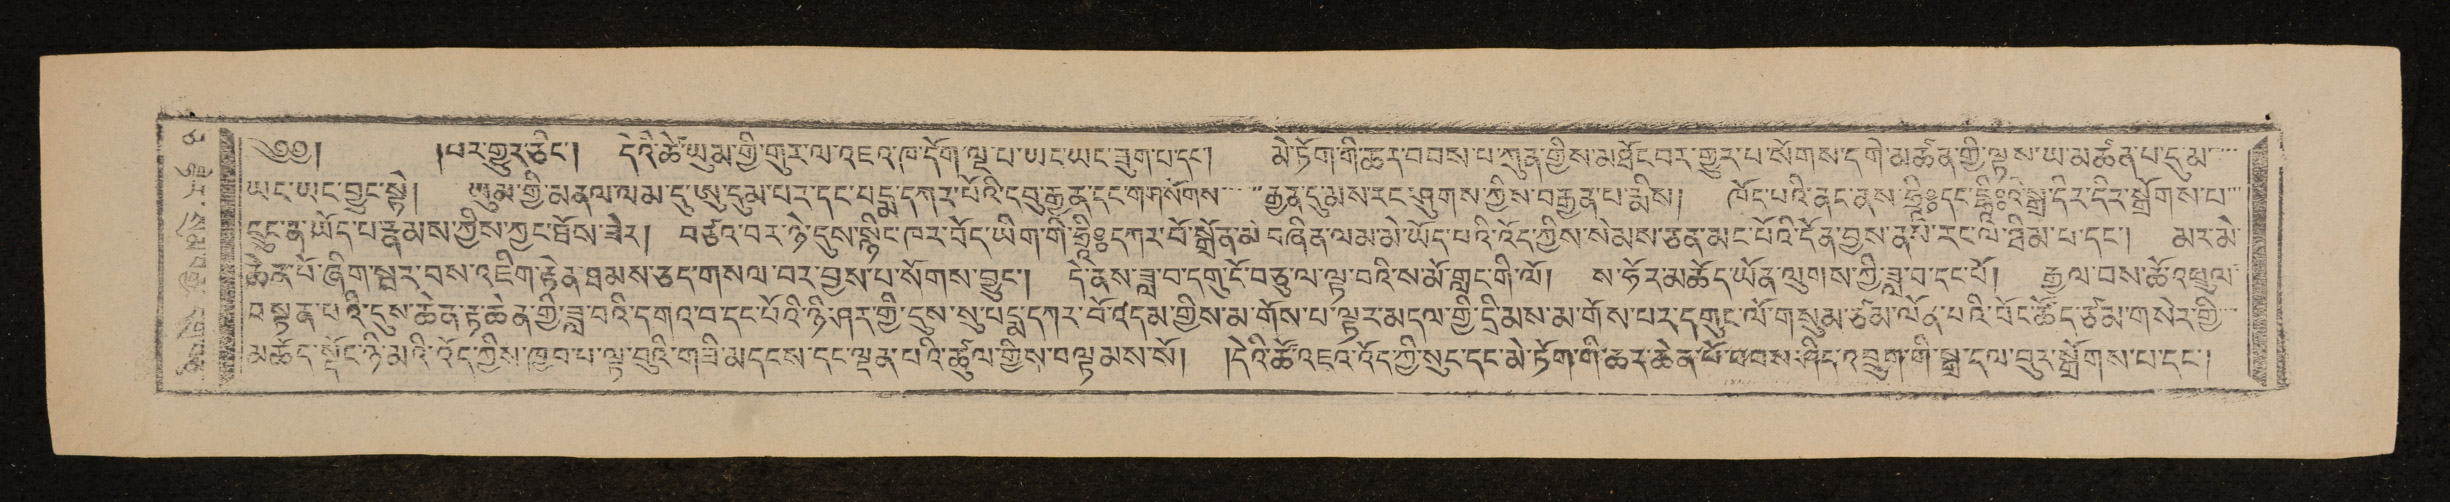༄༅། །པར་གྱུར་ཅིང་། དེའི་ཚེ་ཡུམ་གྱི་གུར་ལ་འཇའ་ཁ་དོག་ལྔ་པ་ཡང་ཡང་ཟུག་པ་དང་། མེ་ཏོག་གི་ཆར་བབས་པ་ཀུན་གྱིས་མཐོང་བར་གྱུར་པ་སོགས་དགེ་མཚན་གྱི་ལྟས་ཡ་མཚན་པ་དུ་མ་
ཡང་ཡང་བྱུང་སྟེ། ཡུམ་གྱི་མནལ་ལམ་དུ་ཨུ་དུམ་པར་དང་པདམ་དཀར་པོའི་དབུ་རྒྱན་དང་ག་ཤ་སོགས་རྒྱན་དུ་མས་རང་ཤུགས་ཀྱིས་བརྒྱན་པ་རྨིས། ཁོང་པའི་ནང་ནས་ཧྲཱིཿདང་དྷཱིཿའི་སྒྲ་དིར་དིར་སྒྲོགས་པ་
དྲུང་ན་ཡོད་པ་རྣམས་ཀྱིས་ཀྱང་ཐོས་ཟེར། བཙའ་བར་ཉེ་དུས་སྙིང་ཁར་བོད་ཡིག་གི་ཧྲཱིཿདཀར་པོ་སྒྲོན་མེ་བཞིན་ལམ་མེ་ཡོད་པའི་འོད་ཀྱིས་སེམས་ཅན་མང་པོའི་དོན་བྱས་ནས་རང་ལ་ཐིམ་པ་དང་། མར་མེ་
ཆེན་པོ་ཞིག་སྦར་བས་འཇིག་རྟེན་ཐམས་ཅད་གསལ་བར་བྱས་པ་སོགས་བྱུང་། དེ་ནས་ཟླ་བ་དགུ་ངོ་བཅུ་ལ་ལྟ་བའི་ས་མོ་གླང་གི་ལོ། ས་ཧོར་མཆོད་ཡོན་ལུགས་ཀྱི་ཟླ་བ་དང་པོ། རྒྱལ་བས་ཆོ་འཕྲུལ་
བསྟན་པའི་དུས་ཆེན་རྟ་ཆེན་གྱི་ཟླ་བའི་དགའ་བ་དང་པོའི་ཉི་ཤར་གྱི་དུས་སུ་པདམ་དཀར་པོ་འདམ་གྱིས་མ་གོས་པ་ལྟར་མངལ་གྱི་དྲི་མས་མ་གོས་པར་དགུང་ལོ་གསུམ་ཙམ་ལོན་པའི་བོང་ཚོད་ཙམ་གསེར་གྱི་
མཆོད་སྡོང་ཉི་མའི་འོད་ཀྱིས་ཁྱབ་པ་ལྟ་བུའི་གཟིམ་དངས་དང་ལྡན་པའི་ཚུལ་གྱིས་བལྟམས་སོ། །དེའི་ཚེ་འཇའ་འོད་ཀྱི་གུར་དང་མེ་ཏོག་གི་ཆར་ཆེན་པོ་བབས་ཤིང་འབྲུག་གི་སྒྲ་དལ་བུང་སྒྲོགས་པ་དང་།